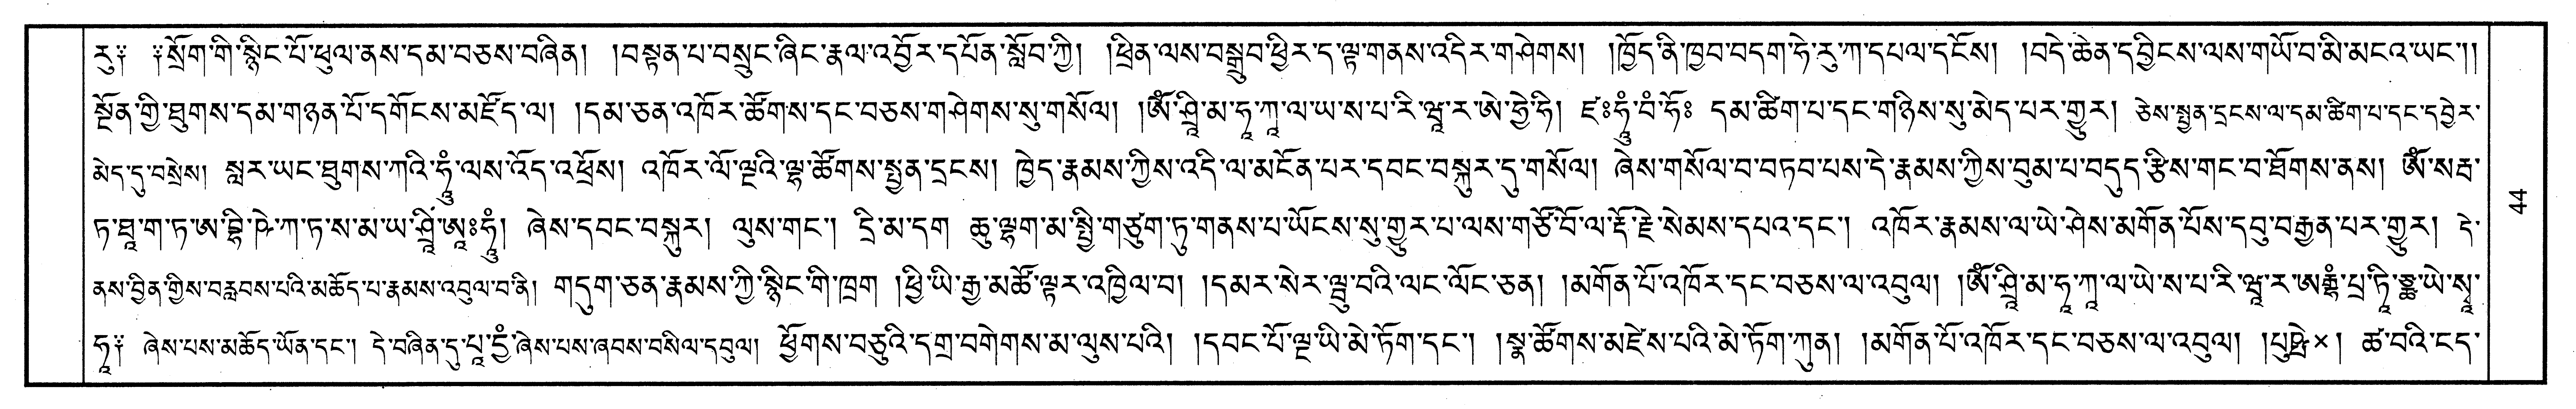རུ། །སྲོག་གི་སྙིང་པོ་ཕུལ་ནས་དམ་བཅས་བཞིན། །བསྟན་པ་བསྲུང་ཞིང་རྣལ་འབྱོར་དཔོན་སློབ་ཀྱི། །ཕྲིན་ལས་བསྒྲུབ་ཕྱིར་ད་ལྟ་གནས་འདིར་གཤེགས། །ཁྱོད་ནི་ཁྱབ་བདག་ཧེ་རུ་ཀ་དཔལ་དངོས། །བདེ་ཆེན་དབྱིངས་ལས་གཡོ་བ་མི་མངའ་ཡང།།
སྔོན་གྱི་ཐུགས་དམ་གཉན་པོ་དགོངས་མཛོད་ལ། །དམ་ཅན་འཁོར་ཚོགས་དང་བཅས་གཤེགས་སུ་གསོལ། །ཨོཾ་ཤྲཱི་མ་ཧཱ་ཀཱ་ལ་ཡ་ས་པ་རི་ཝཱ་ར་ཨེ་ཧྱེ་ཧི། ཛཿཧཱུཾ་བཾ་ཧོཿ དམ་ཚིག་པ་དང་གཉིས་སུ་མེད་པར་གྱུར། ཅེས་སྤྱན་དྲངས་ལ་དམ་ཚིག་པ་དང་དབྱེར་
མེད་དུ་བསྲེས། སླར་ཡང་ཐུགས་ཀའི་ཧཱུཾ་ལས་འོད་འཕྲོས། འཁོར་ལོ་ལྔའི་ལྷ་ཚོགས་སྤྱན་དྲངས། ཁྱེད་རྣམས་ཀྱིས་འདི་ལ་མངོན་པར་དབང་བསྐུར་དུ་གསོལ། ཞེས་གསོལ་བ་བཏབ་པས་དེ་རྣམས་ཀྱིས་བུམ་པ་བདུད་རྩིས་གང་བ་ཐོགས་ནས། ཨོཾ་སརྦ་
ཏ་ཐཱ་ག་ཏ་ཨ་བྷི་ཥེ་ཀ་ཏ་ས་མ་ཡ་ཤྲཱི་ཨཱཿཧཱུཾ། ཞེས་དབང་བསྐུར། ལུས་གང་། དྲི་མ་དག་ཆུ་ལྷག་མ་སྤྱི་གཙུག་ཏུ་གནས་པ་ཡོངས་སུ་གྱུར་པ་ལས་གཙོ་བོ་ལ་རྡོ་རྗེ་སེམས་དཔའ་དང་། འཁོར་རྣམས་ལ་ཡེ་ཤེས་མགོན་པོས་དབུ་བརྒྱན་པར་གྱུར། དེ་
ནས་བྱིན་གྱིས་བརླབས་པའི་མཆོད་པ་རྣམས་འབུལ་བ་ནི། གདུག་ཅན་རྣམས་ཀྱི་སྙིང་གི་ཁྲག །ཕྱི་ཡི་རྒྱ་མཚོ་ལྟར་འཁྱིལ་བ། །དམར་སེར་ལྦུ་བའི་ལང་ལོང་ཅན། །མགོན་པོ་འཁོར་དང་བཅས་ལ་འབུལ། །ཨོཾ་ཤྲཱི་མ་ཧཱ་ཀཱ་ལ་ཡེ་ས་པ་རི་ཝཱ་ར་ཨརྒྷཾ་པྲ་ཏཱི་ཙྪ་ཡེ་སྭཱ་
ཧཱ། ཞེས་པས་མཆོད་ཡོན་དང་། དེ་བཞིན་དུ་པཱ་དྱཾ་ཞེས་པས་ཞབས་བསིལ་དབུལ། ཕྱོགས་བཅུའི་དགྲ་བགེགས་མ་ལུས་པའི། །དབང་པོ་ལྔ་ཡི་མེ་ཏོག་དང་། །སྣ་ཚོགས་མཛེས་པའི་མེ་ཏོག་ཀུན། །མགོན་པོ་འཁོར་དང་བཅས་ལ་འབུལ། །པུཥྤེ་྾། ཚ་བའི་ངད་